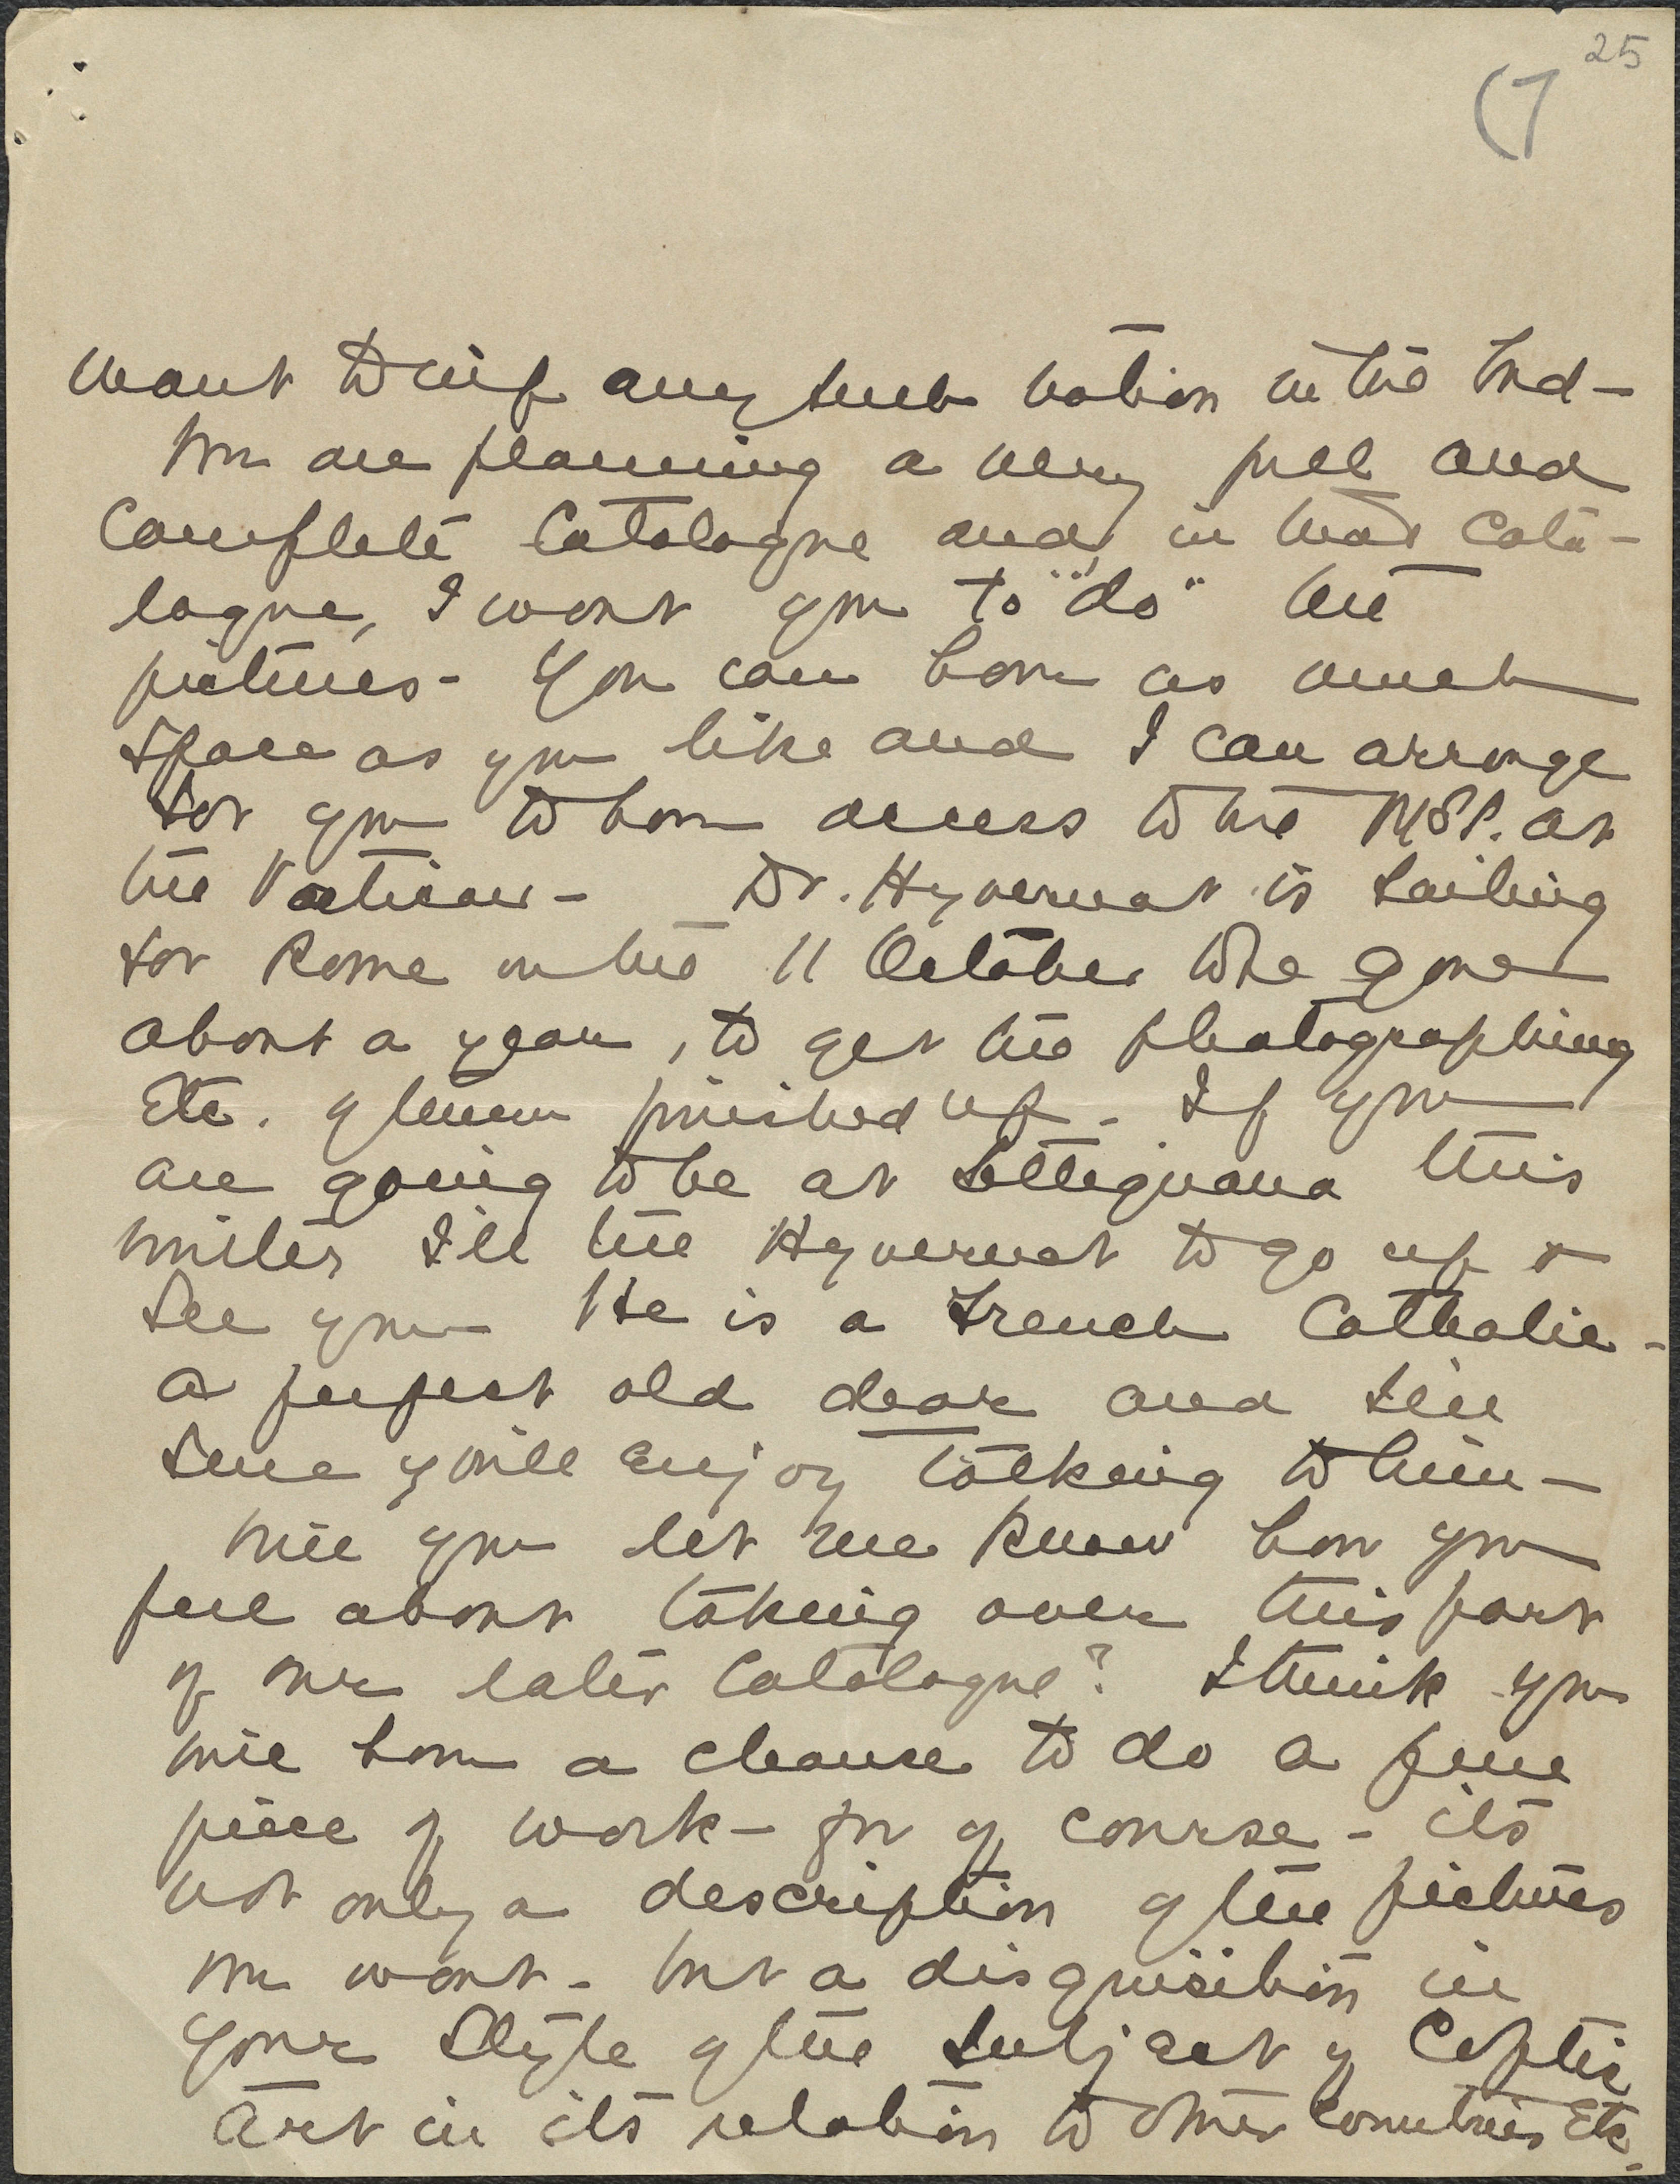want to nip any such notion in the bud –
We are planning a very full and complete catalogue and in that Catalogue, I want you to "do" the pictures – You can have as much space as you like and I can arrange for you to have access to the MSS at the Vatican – Dr. Hyvernat is sailing for Rome on the 11 October to be gone about a year, to get the photographing etc. of them finished up – If you are going to be at Settignano this winter I'll tell Hyvernat to go up & see you – He is a French Catholic – a perfect old dear and I'm sure you'll enjoy talking to him –
Will you let me know how you feel about taking over this part of our later Catalogue? I think you will have a chance to do a full piece of work – for of course – its not only a description of the pictures we want – but a disquisition in your style of the subject of Coptic art in its relation to other countries etc.